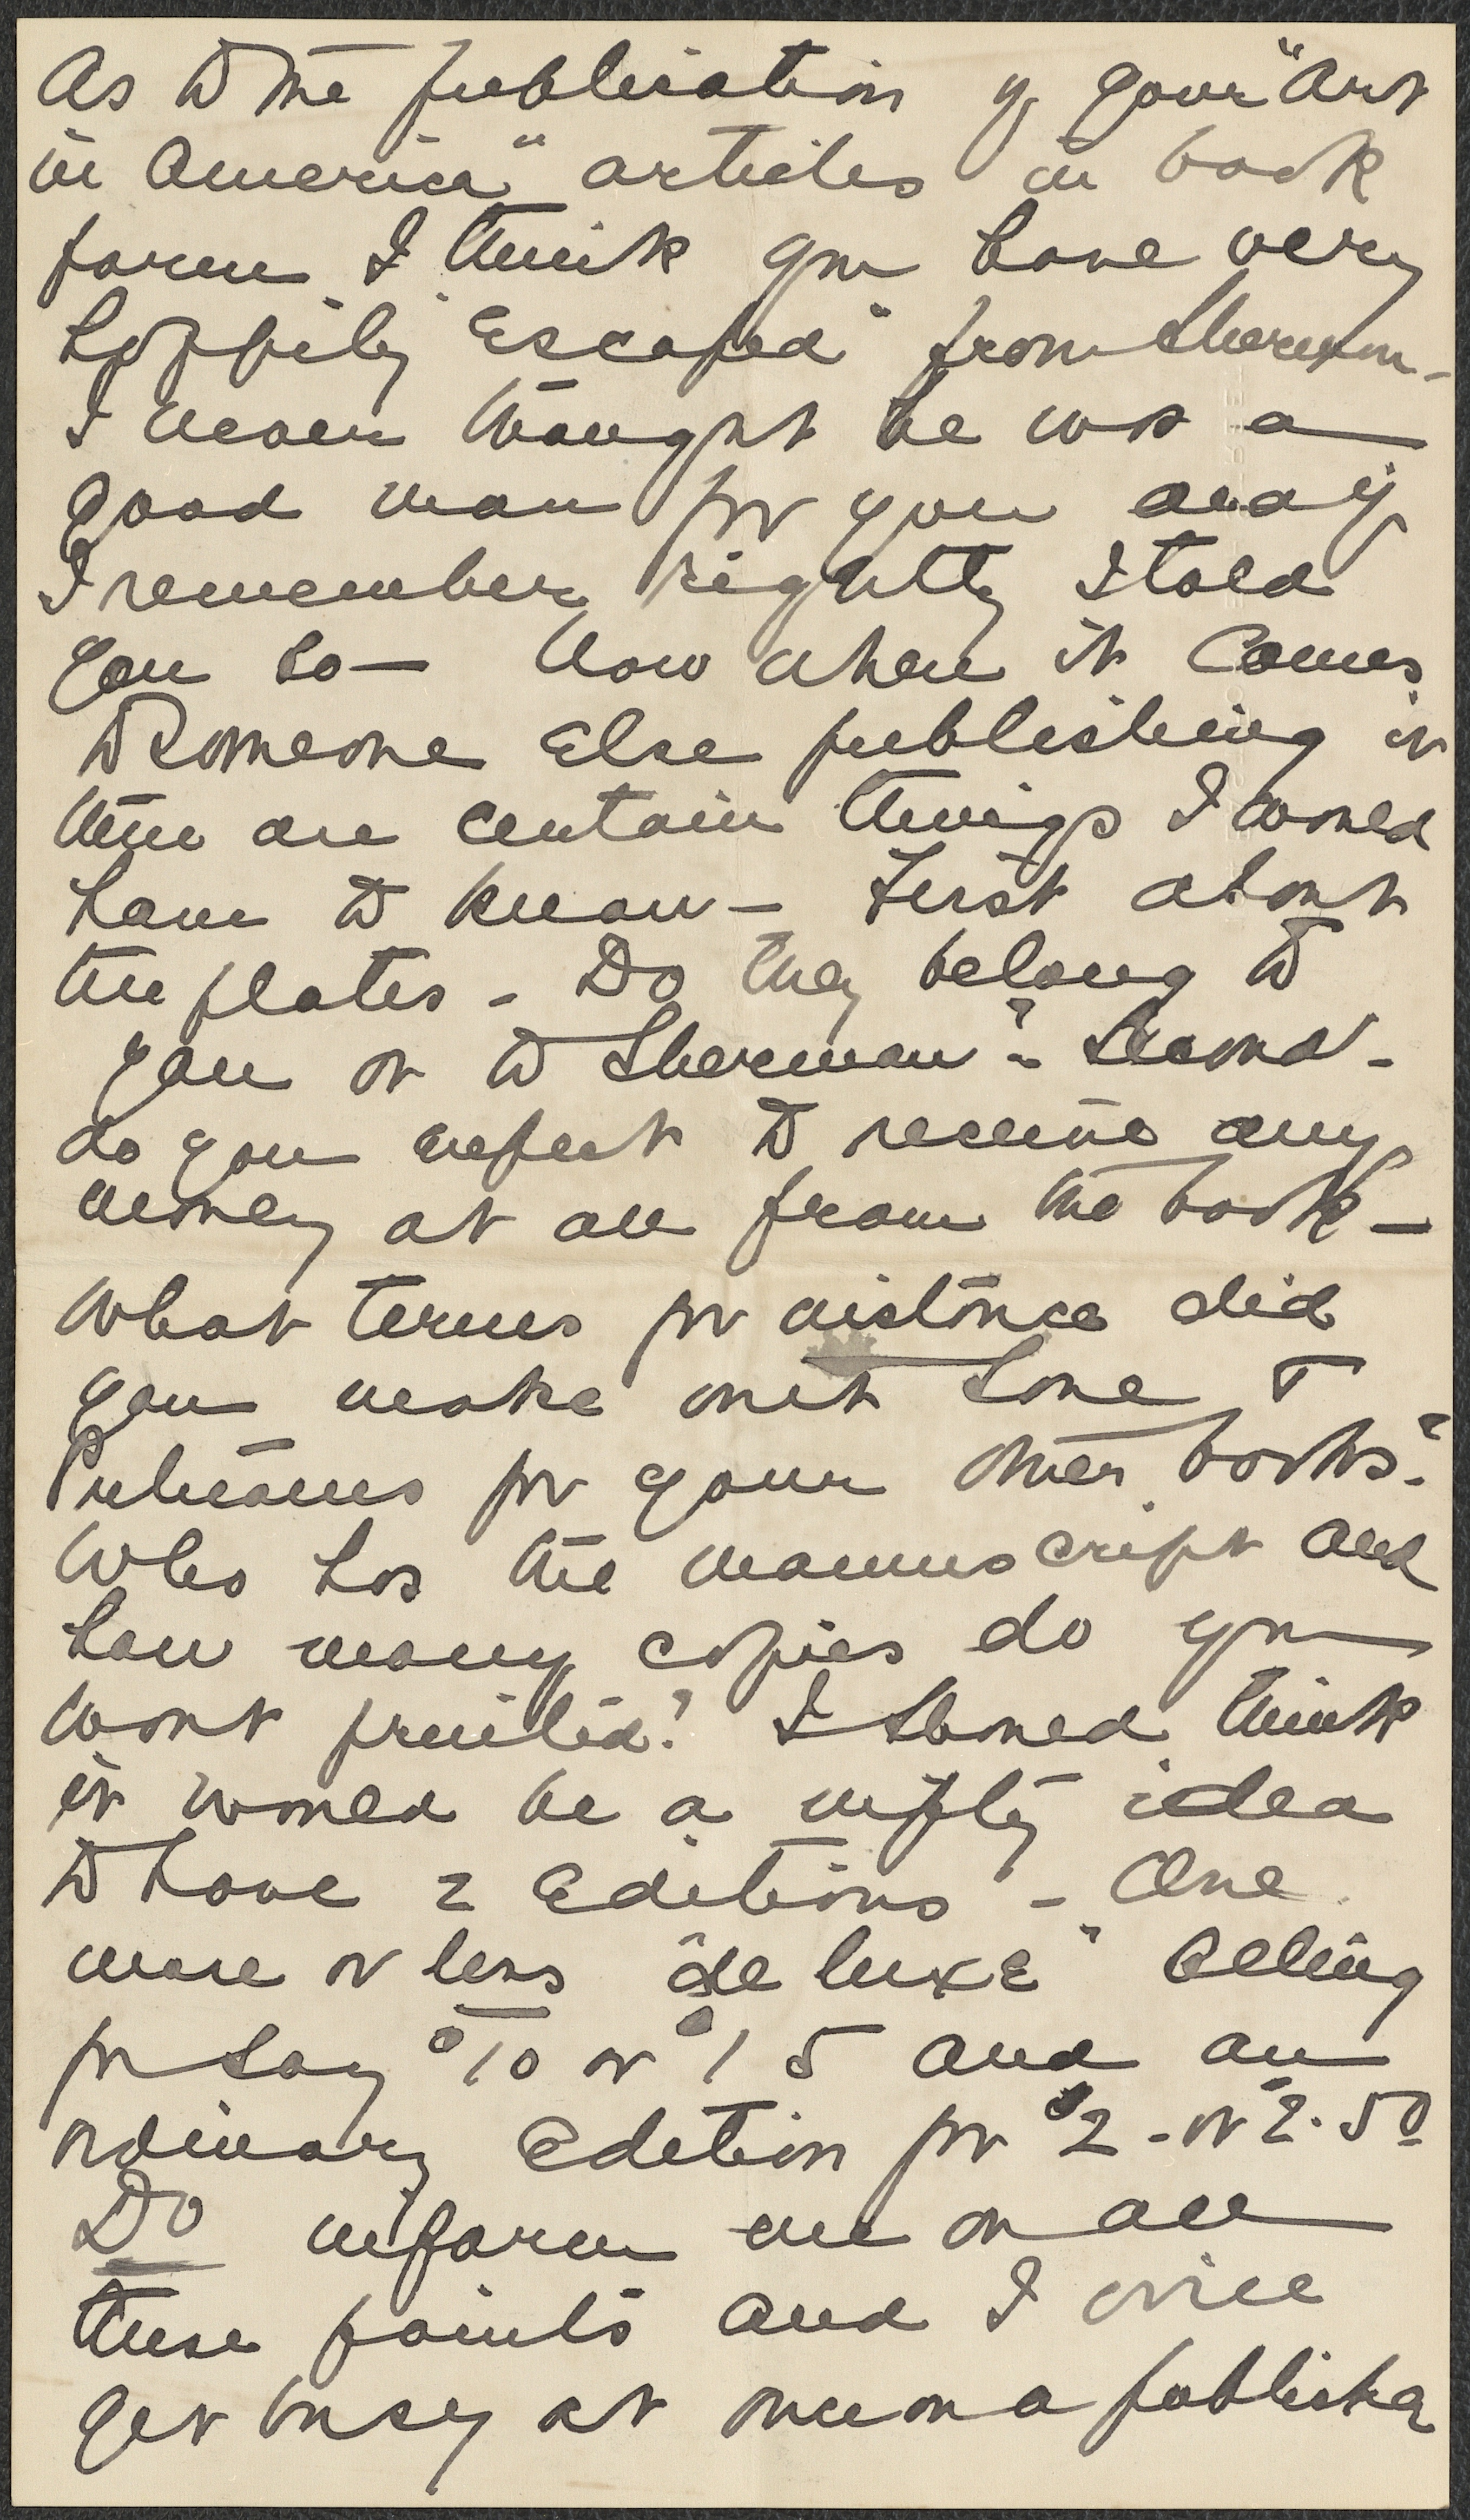as to the publication of your “Art in America” articles in book form I think you have very happily “escaped” from Sherman – I never thought he was a good man for you away I remember rightly I told you so – now when it comes to someone else publishing it there are certain things I would have to know – First about the plates – Do they belong to you or to Sherman? Second – do you expect to receive any money at all from the book – what terms for instance did you make with Lane & Putnams for your other books? Who has the manuscript and how many copies do you want printed? I should think it would be a nifty idea to have 2 editions – one more or less “deluxe” selling for say $10 or $15 and an ordinary edition for $2 or $2.50 Do inform me on all these points and I will get busy at once on a publisher